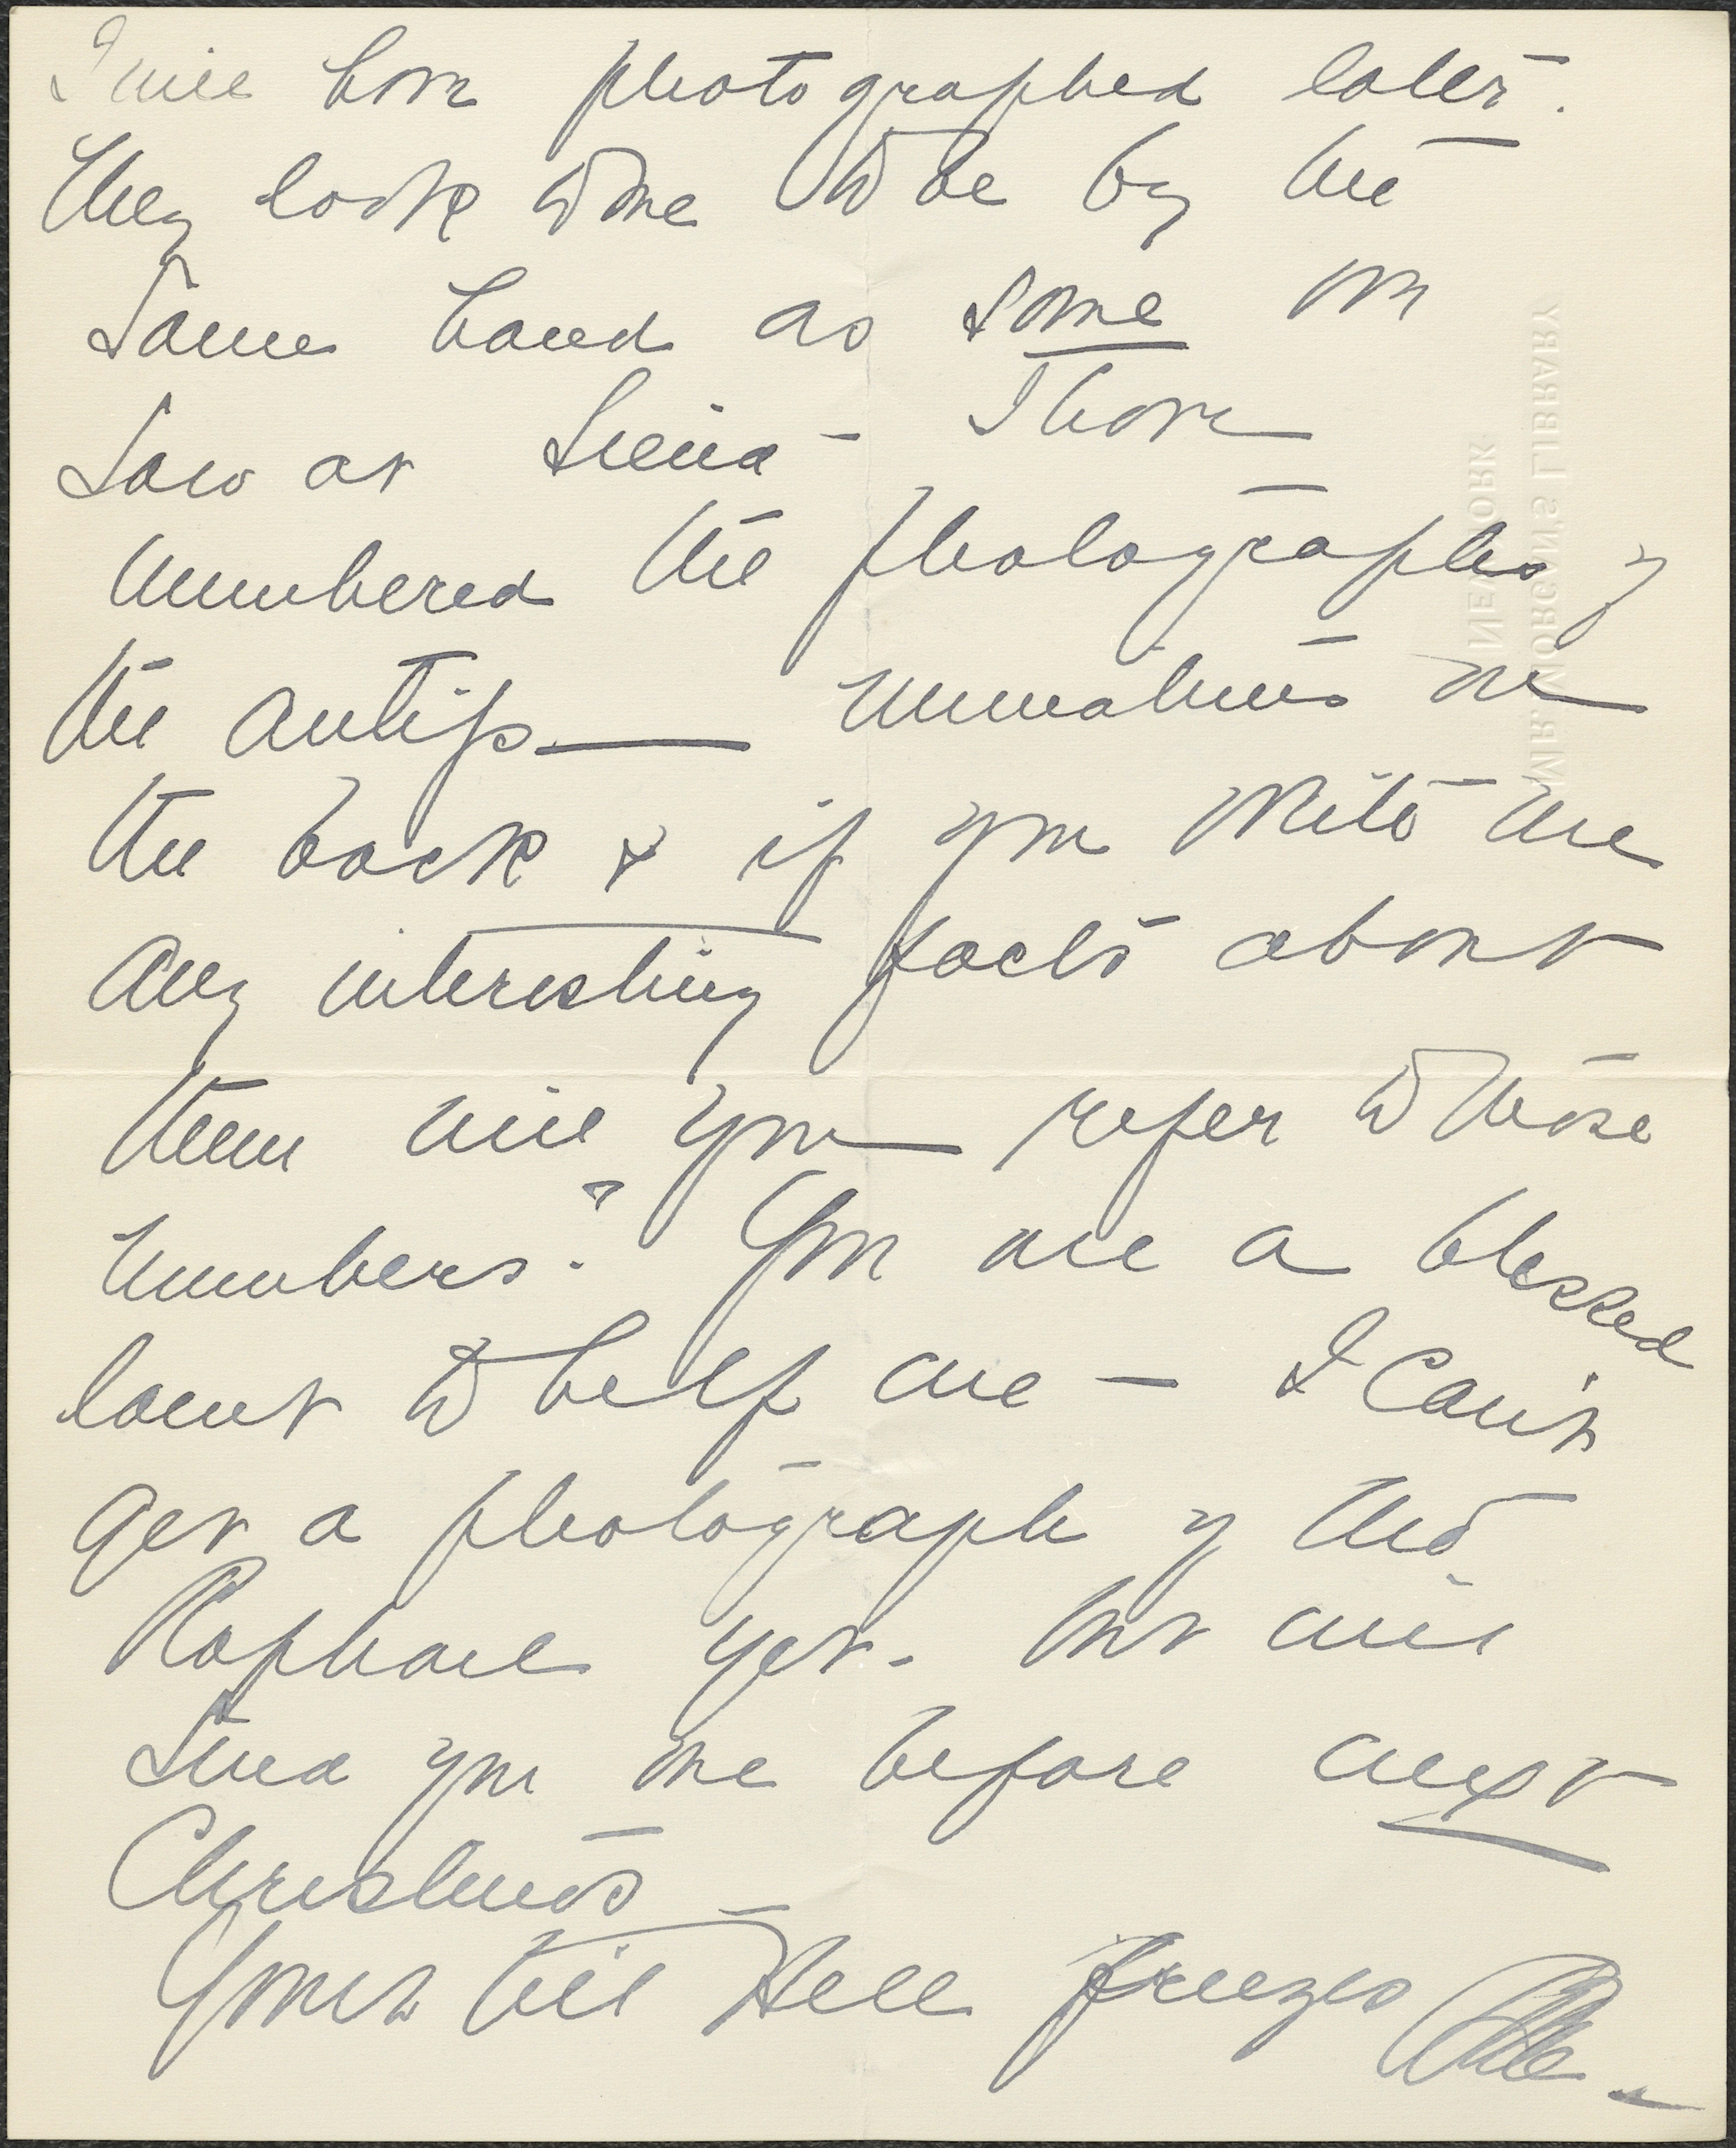I will have photographed later. They look to me to be by the same hand as some we saw at Siena – I have numbered the photographs of the antip— miniatures on the back & if you write me any interesting facts about them will you refer to those numbers? You are a blessed lamb to help me – I can’t get a photograph of the Raphael yet but will send you one before next Christmas –
Yours till Hell freezes Belle –